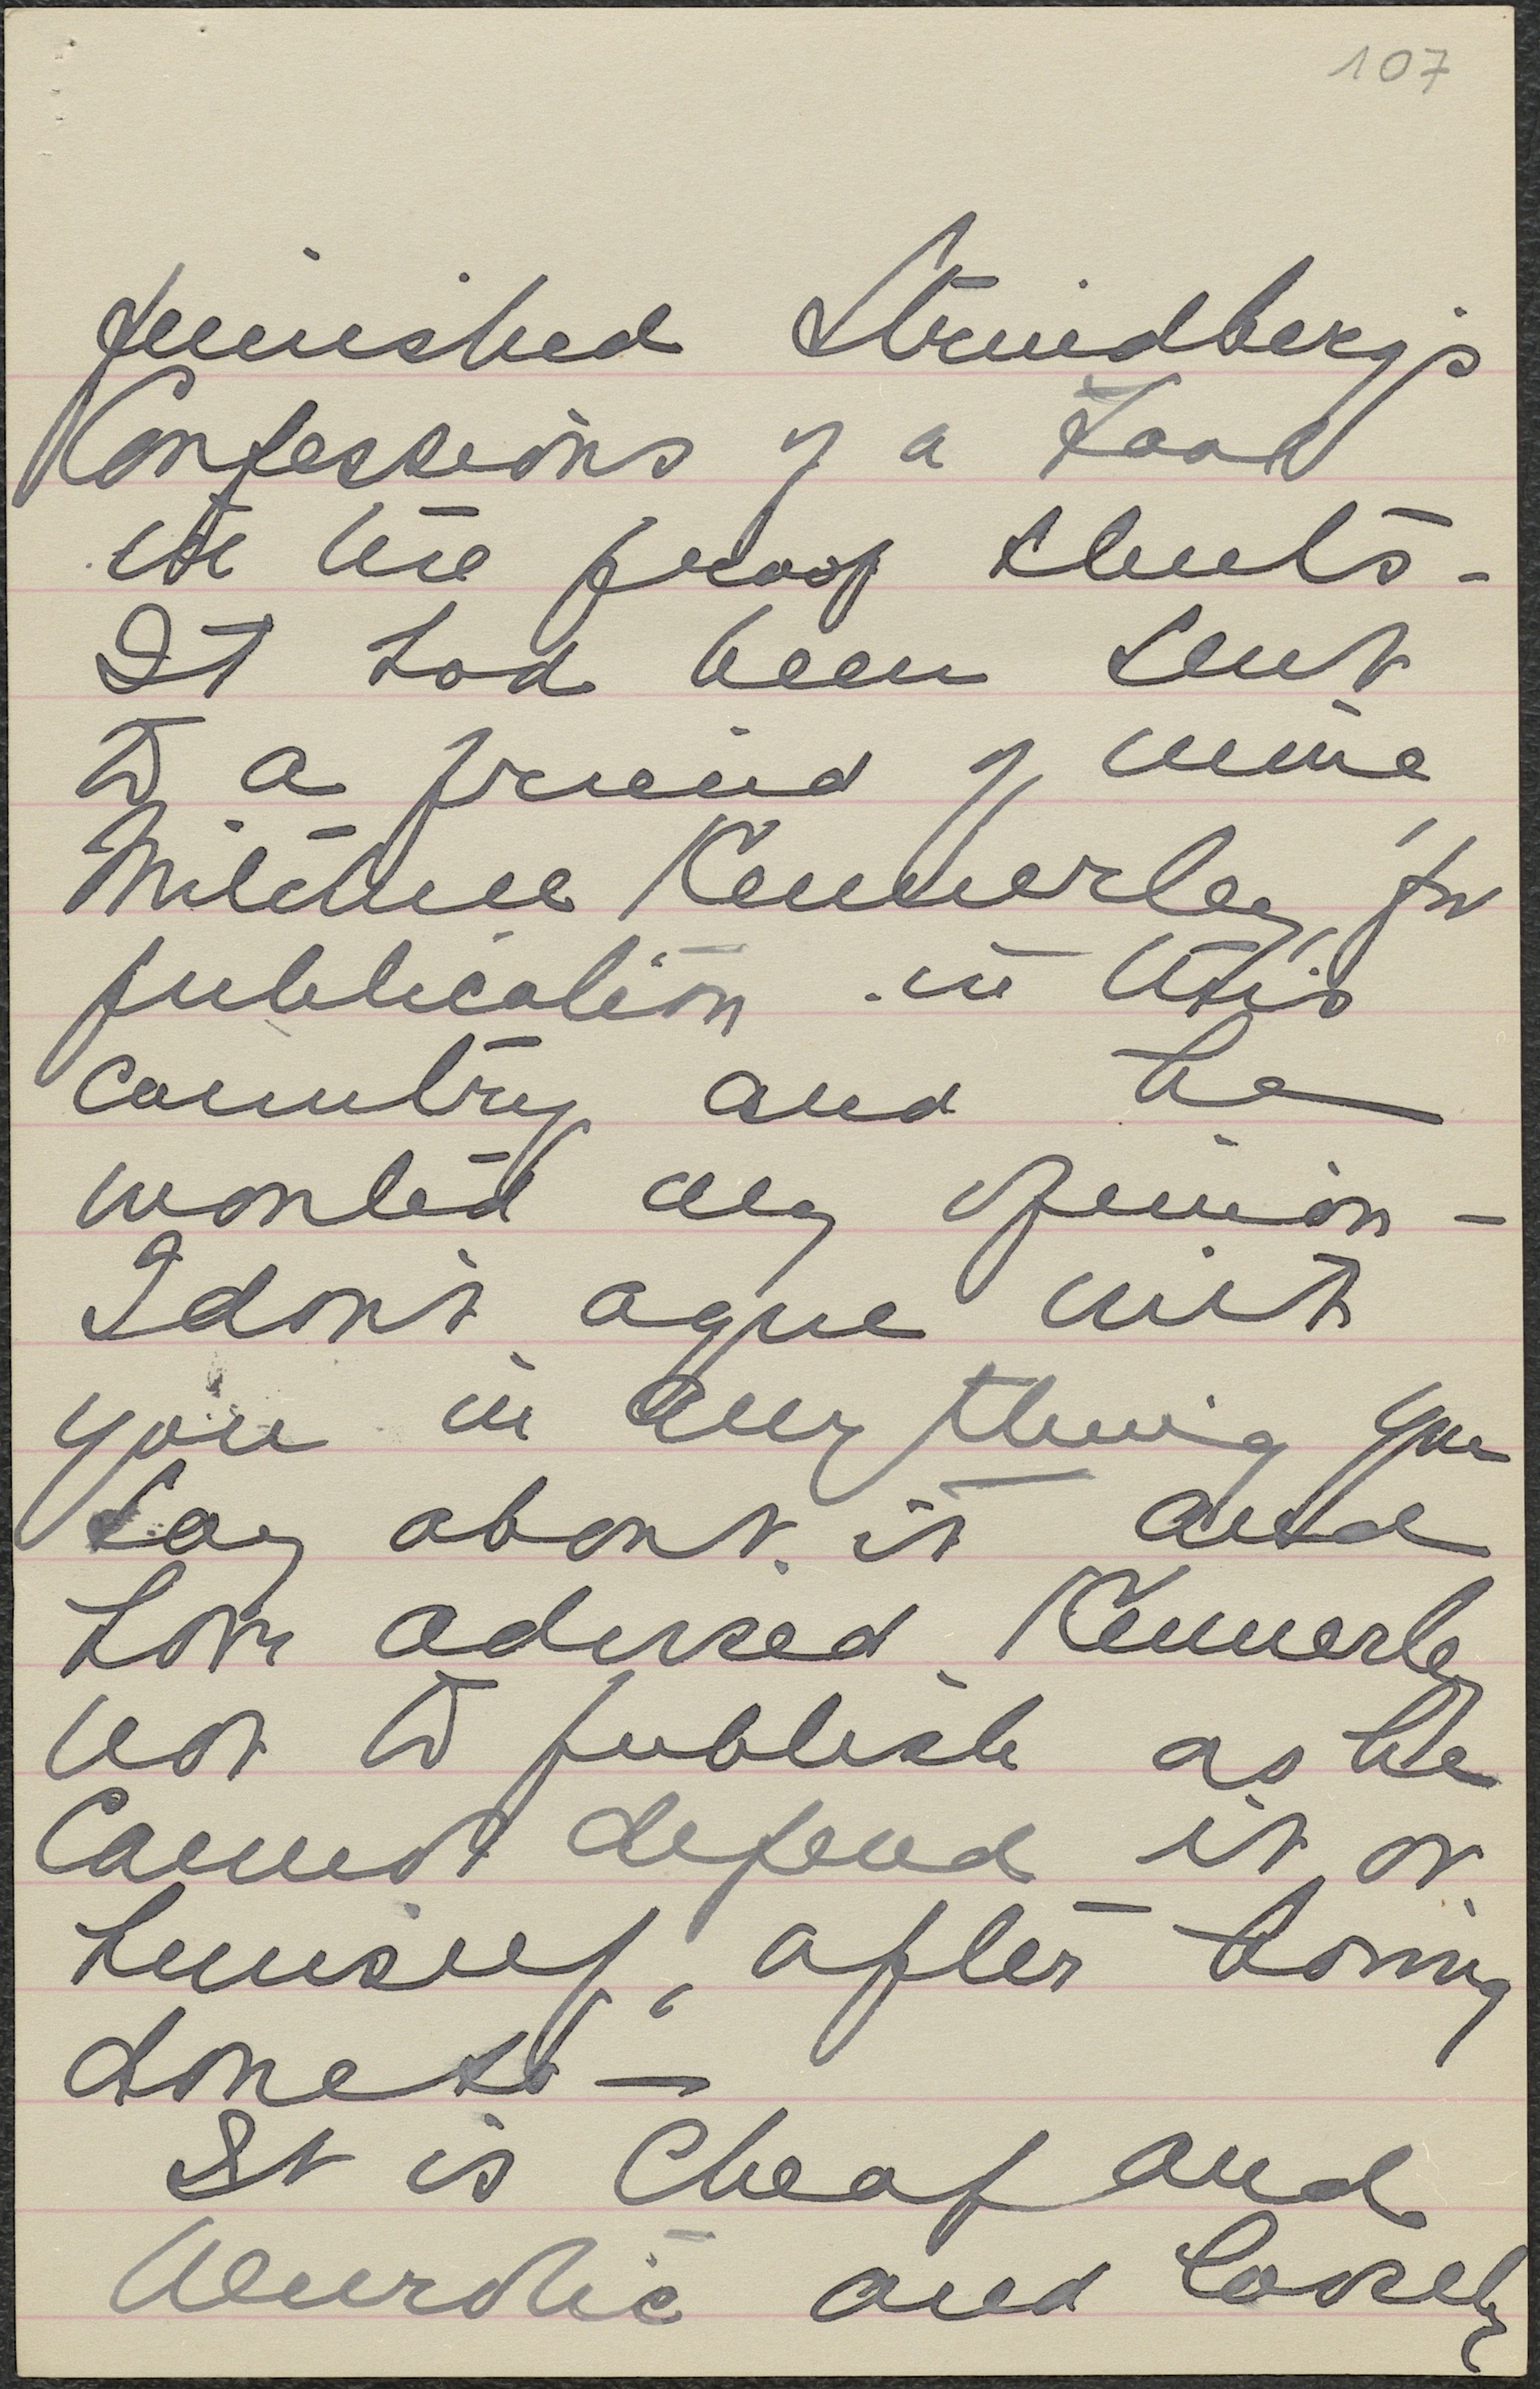finished Strindberg’s Confessions of a Fool in the proof sheets – It had been sent to a friend of mine, Mitchell Kennerley, for publication in this country and he wanted my opinion – I don’t agree with you in everything you say about it and have advised Kennerley not to publish as he cannot defend it or himself, after having done so –
It is cheap and neurotic and loosely